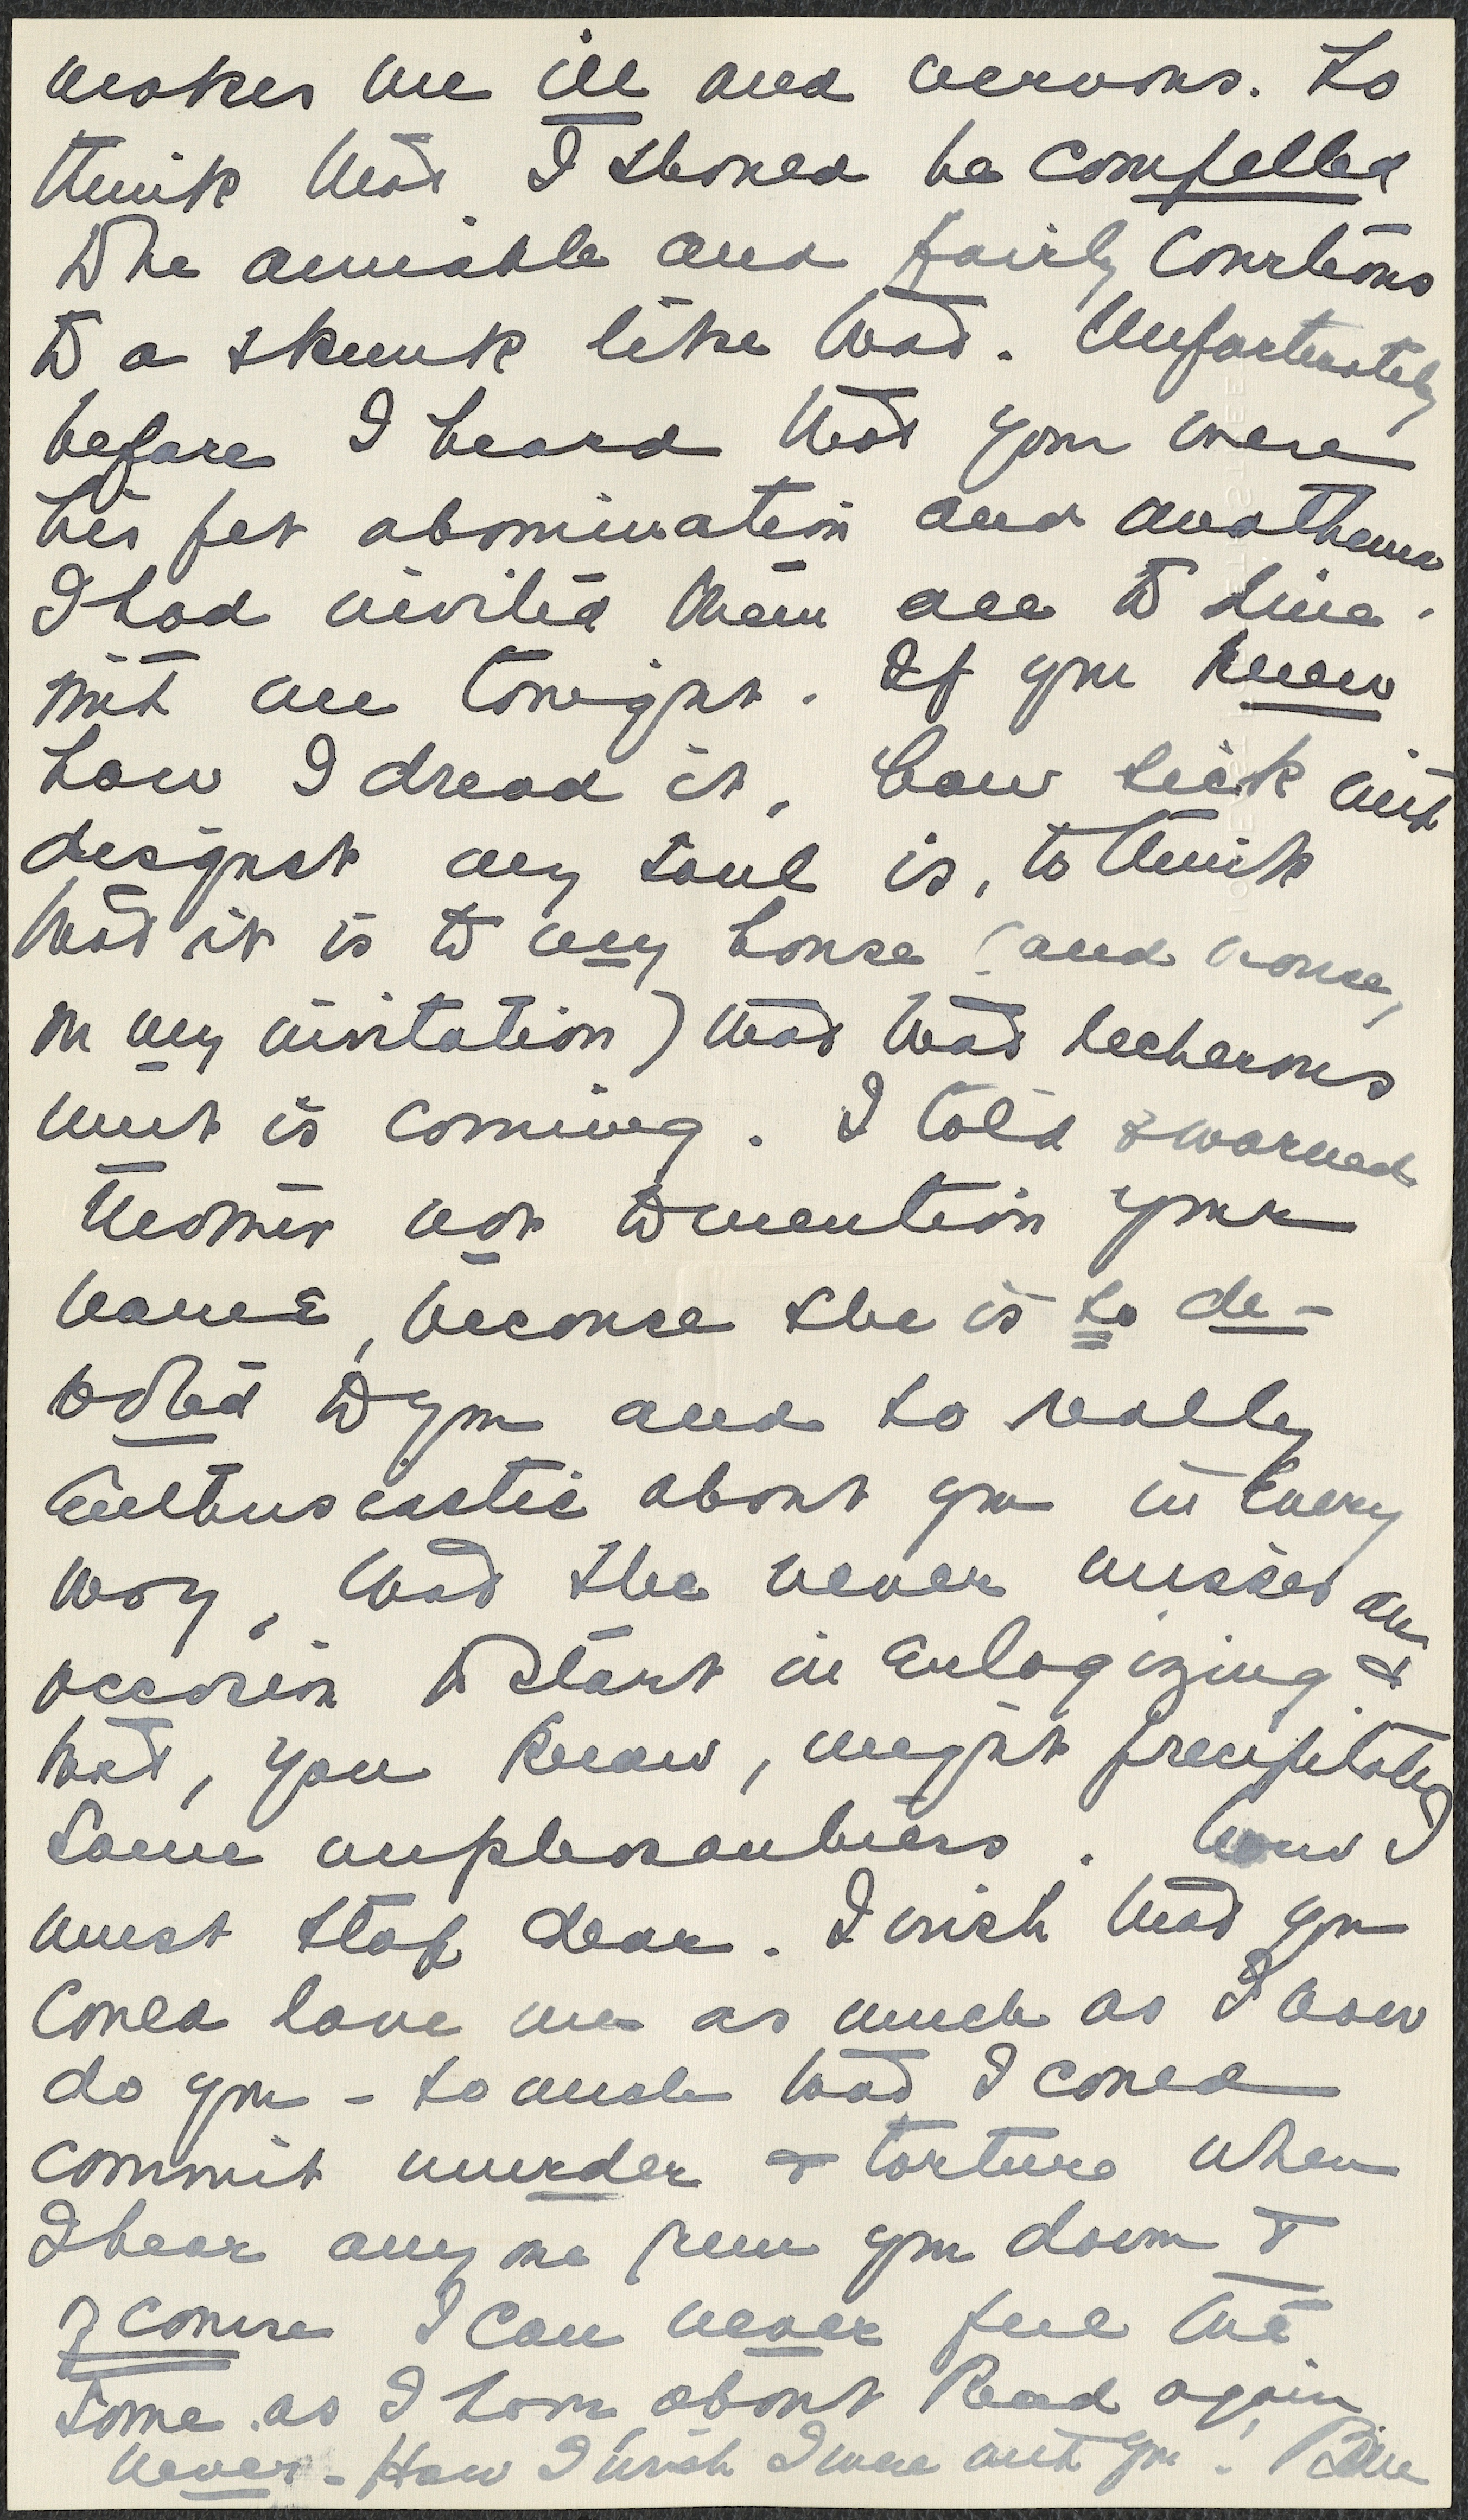makes me ill and nervous. To think that I should be compelled to be amiable and fairly courteous to a skunk like that. Unfortunately before I heard that you were his pet abomination and and [sic] then I had invited them all to dine with me tonight. If you knew how I dread it, how sick with disgust my soul is, to think that it is to my house (and once, on my invitation) that that lecherous mut is coming. I told & warned Mother not to mention your name, because she is [double underlined: so] devoted to you and so really enthusiastic about you in every way, that she never misses an occasion to start in eulogizing & that, you know, might precipitate some unpleasantries. Now I must stop dear. I wish that you could love me as much as I now do you – so much that I could commit murder & torture when I hear any one run you down & [double underlined: of course] I can never feel the same as I have about Read again never – How I wish I was with you! Belle